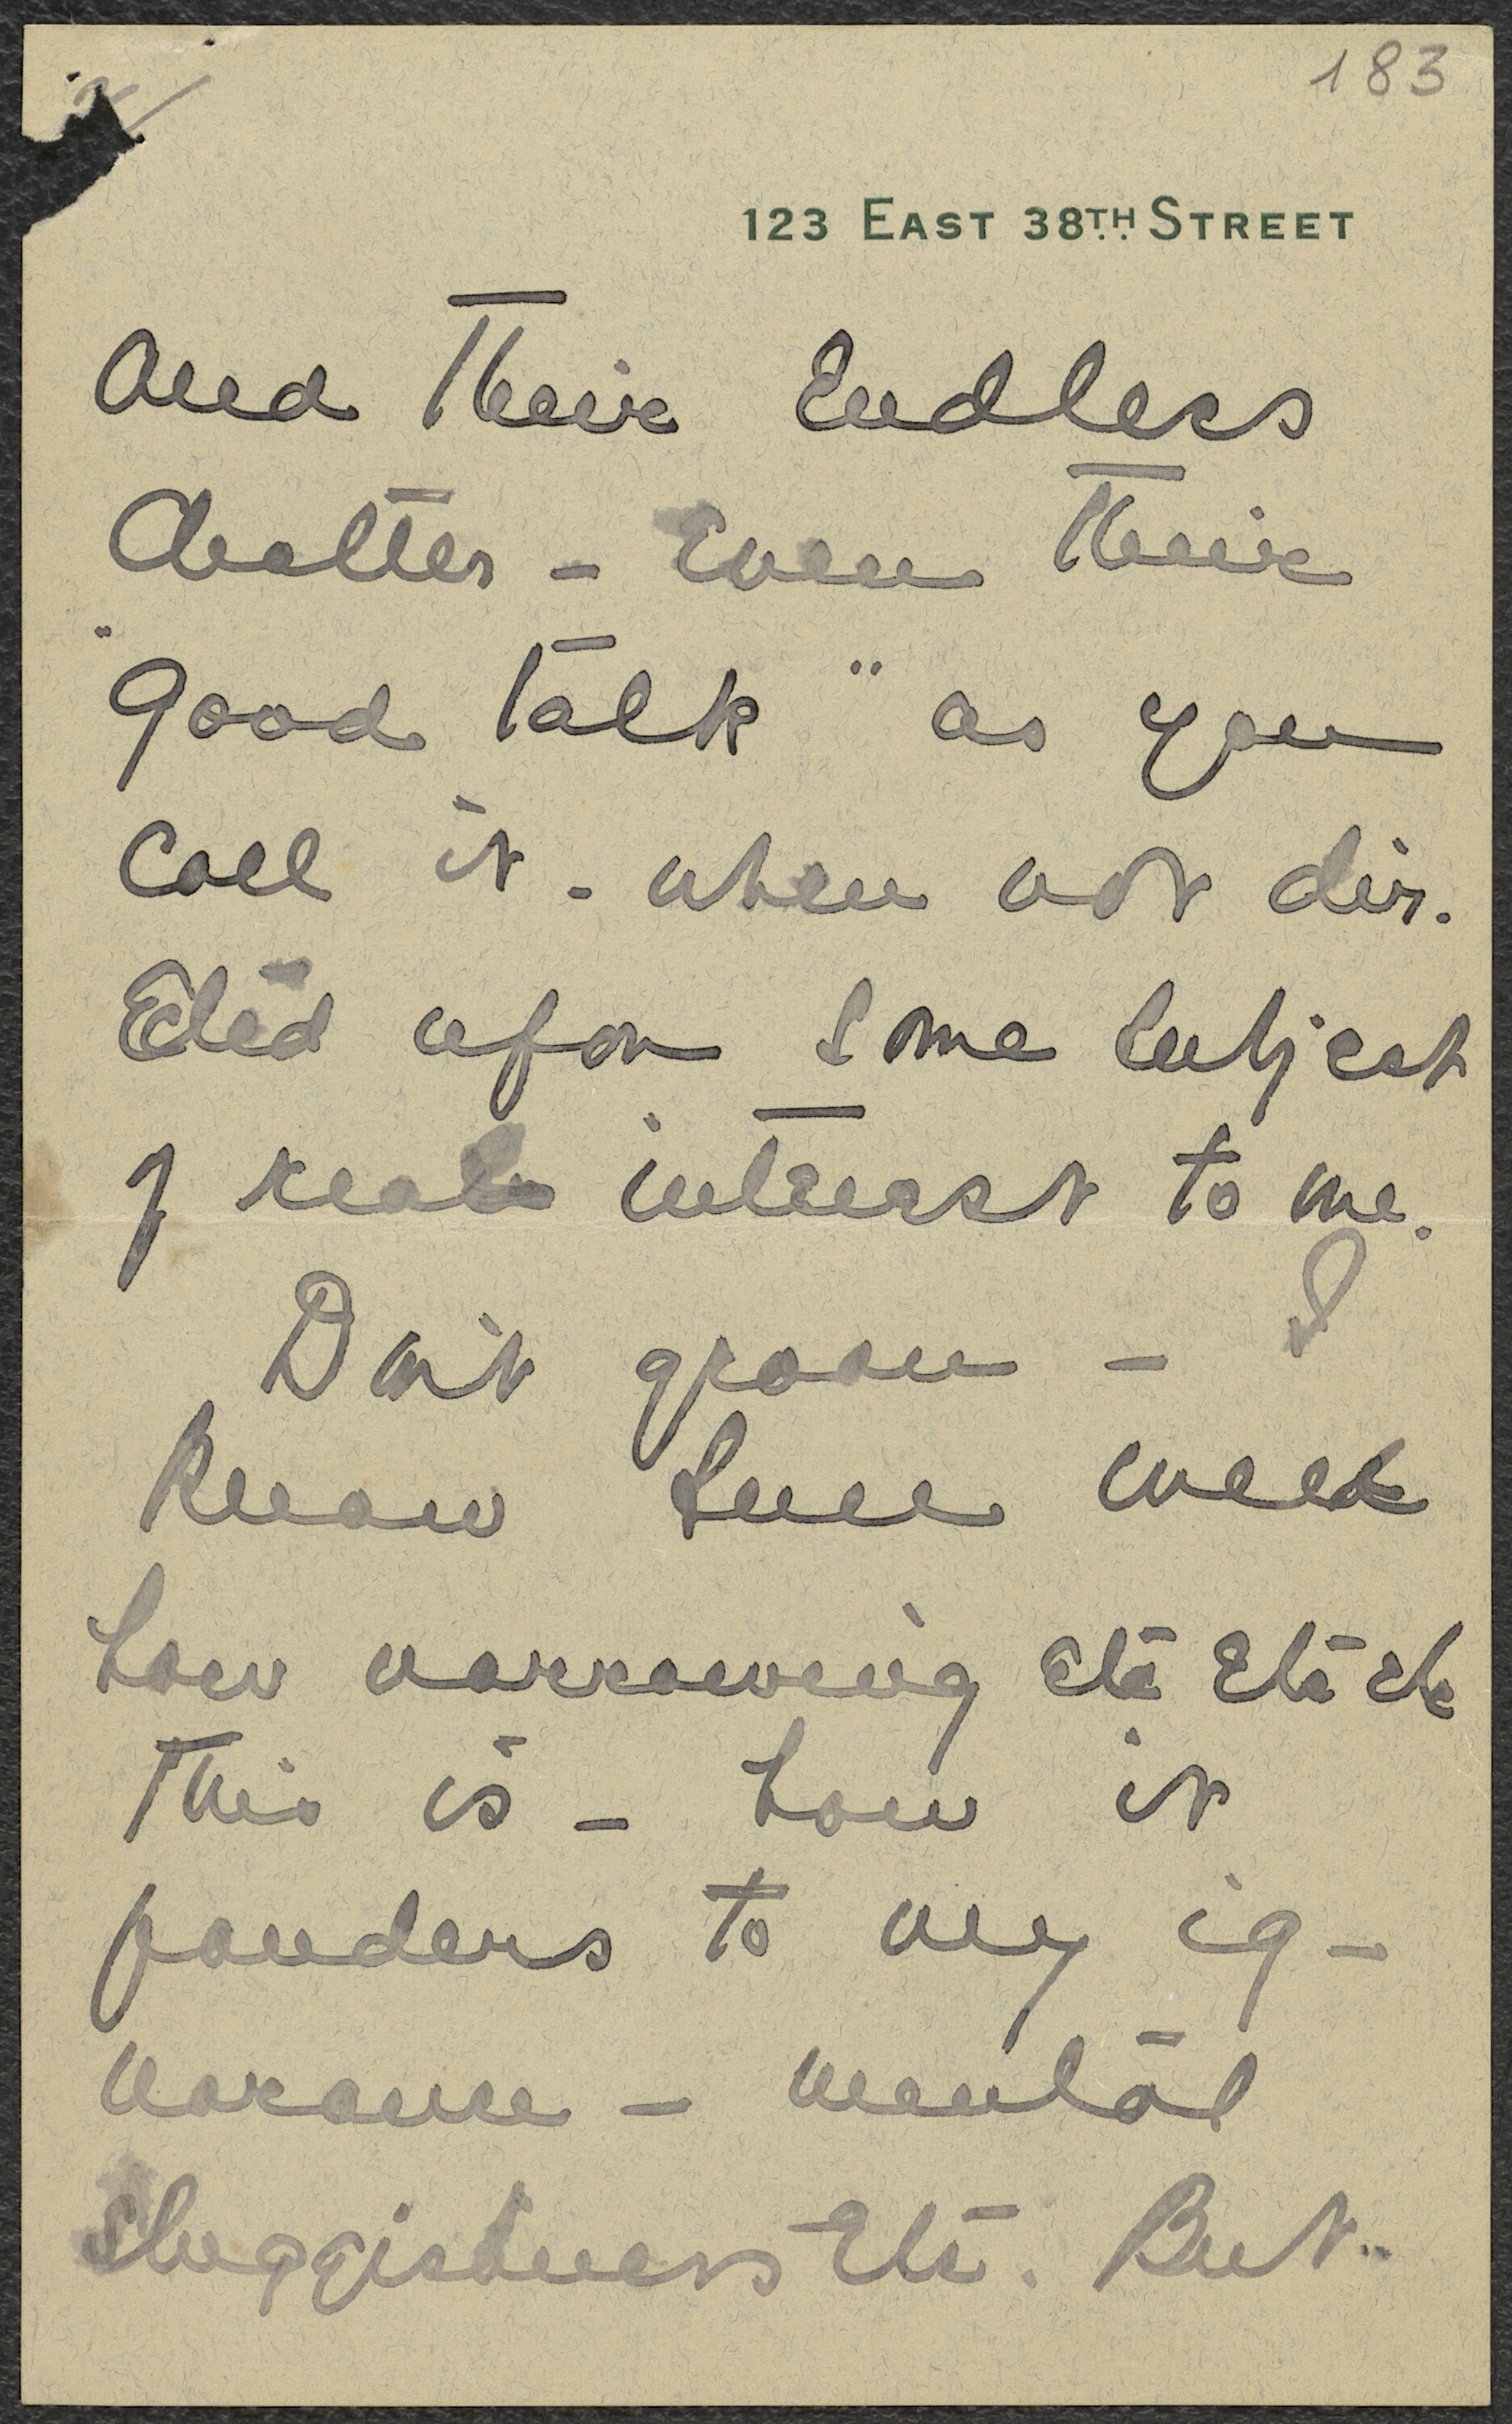and their endless chatter – Even their "good talk" as you call it – when not directed upon some subject of real interest to me.
Don't groan – I know full well how narrowing etc etc etc this is – how it panders to my ignorance – mental sluggishness etc. But